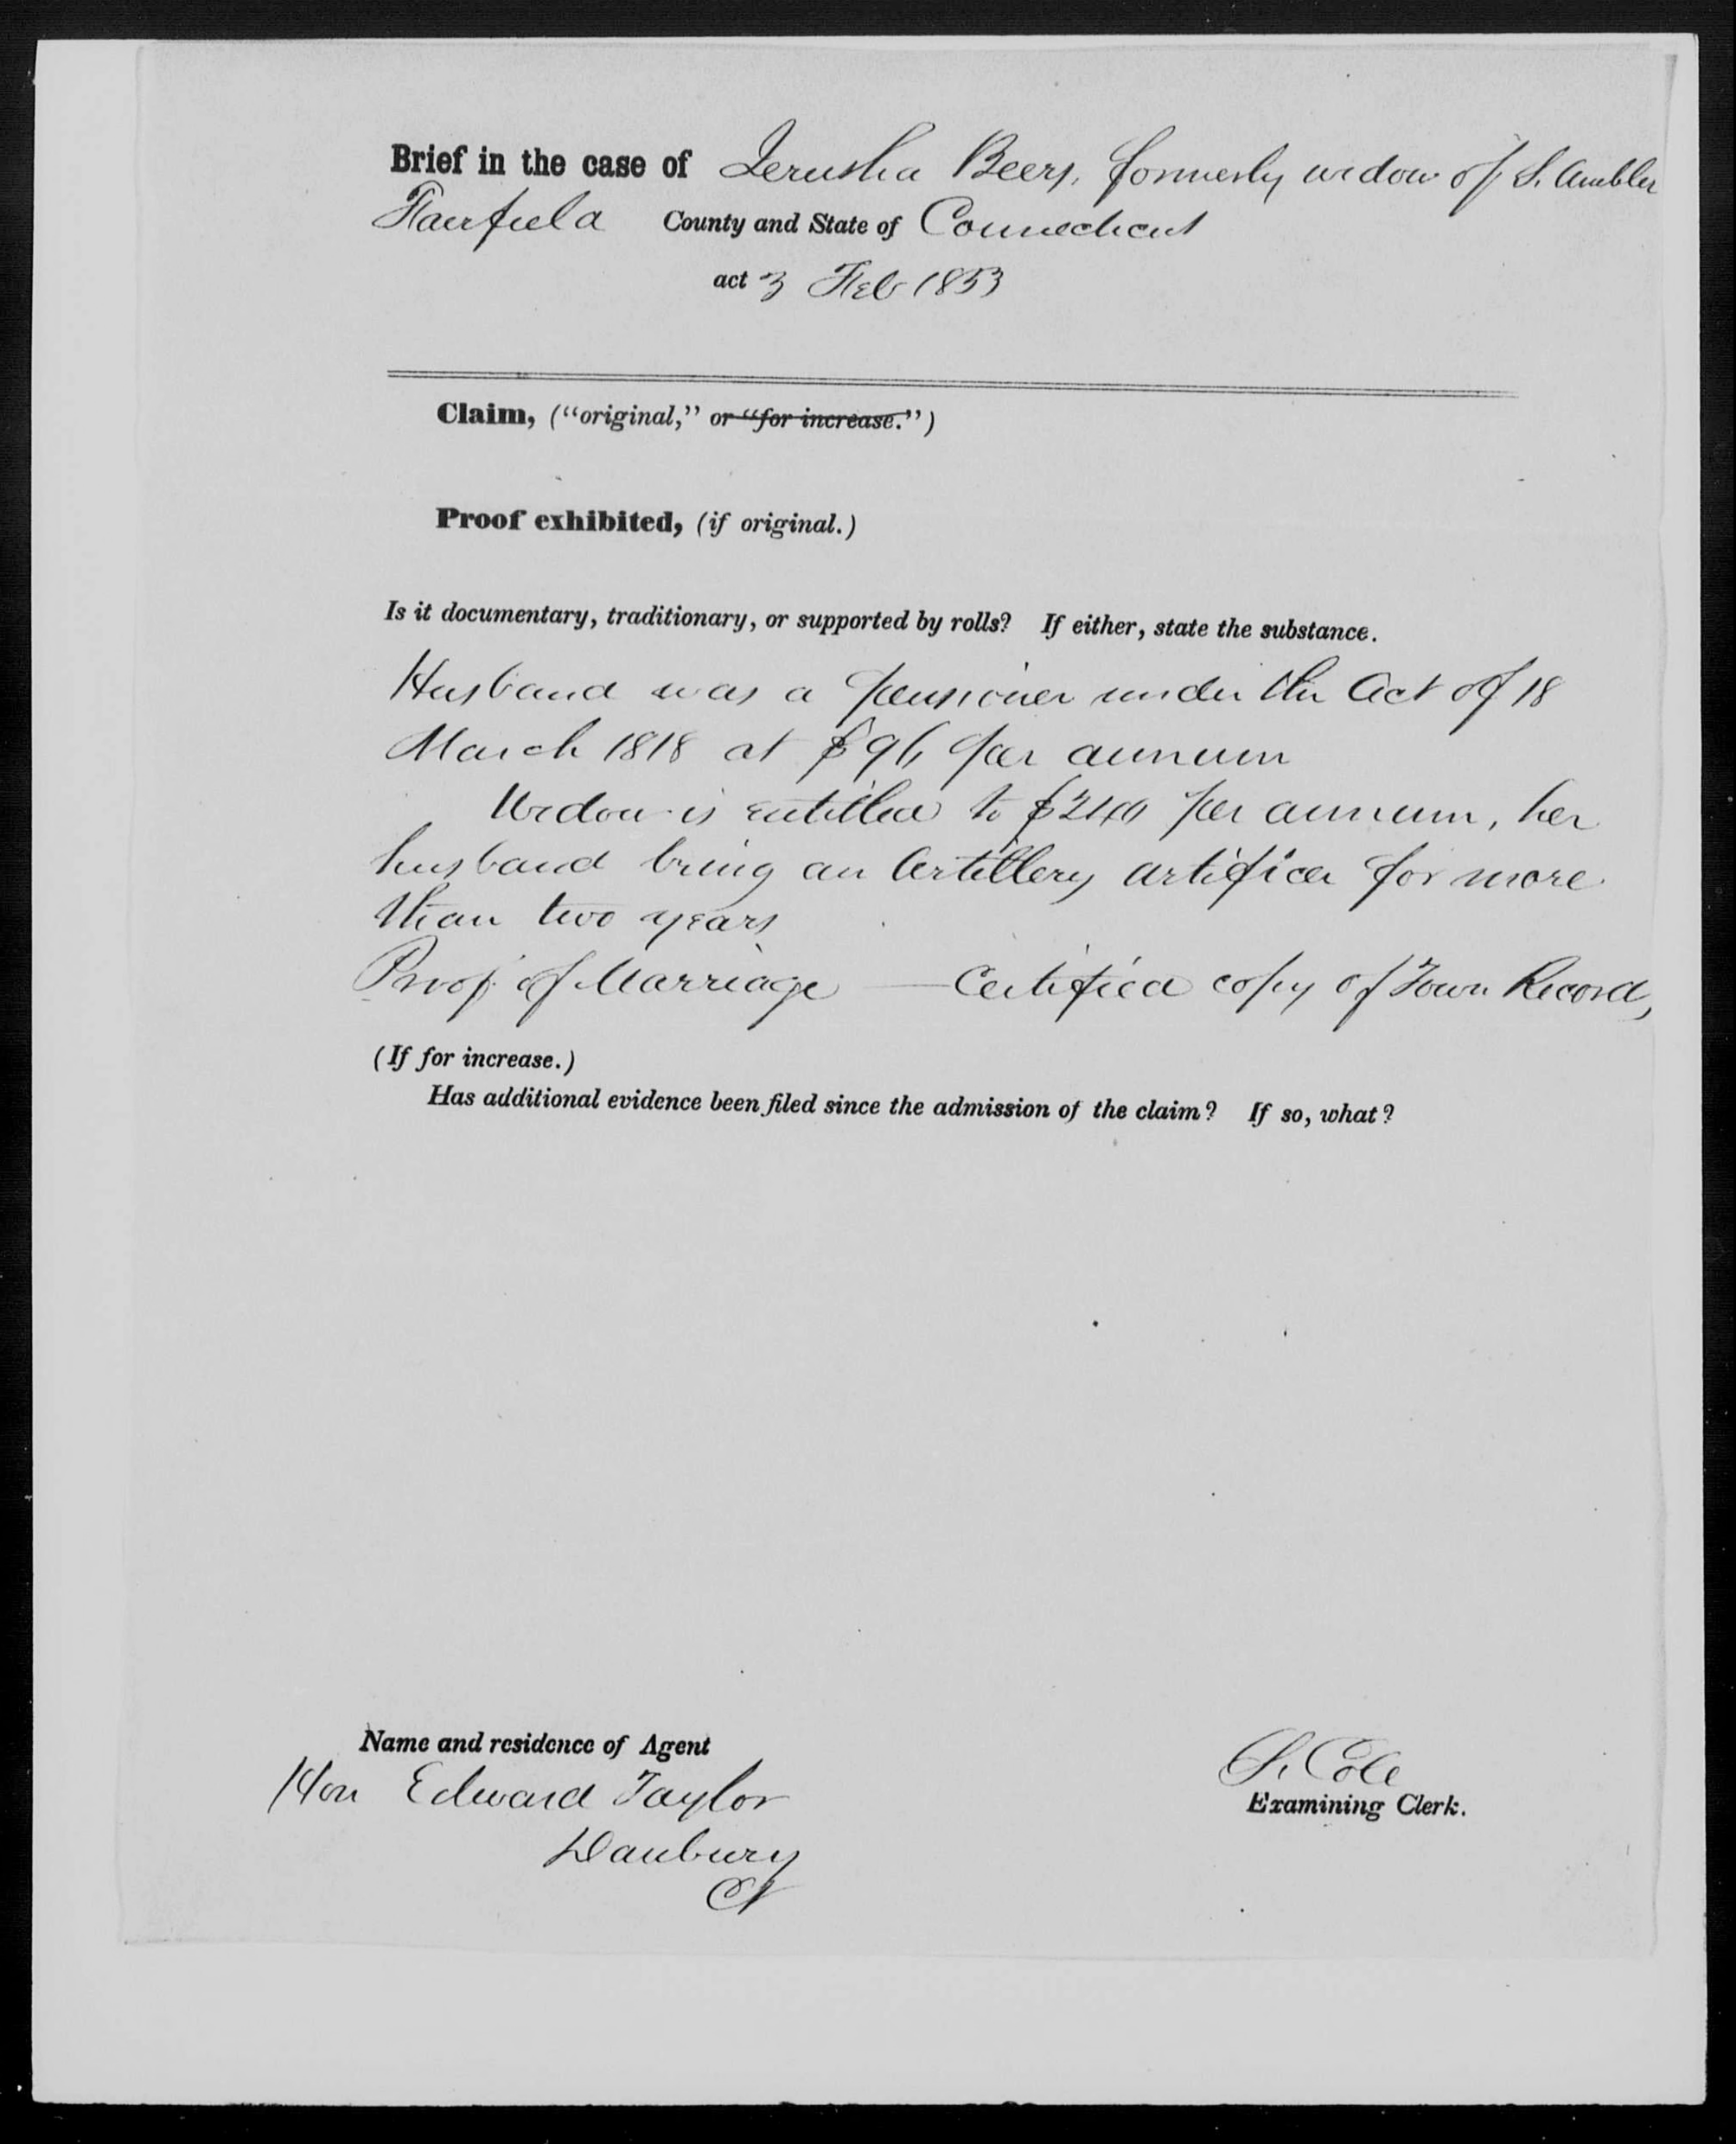Brief in the case of Jerusha Beers, formerly widow of S. Ambler
Fairfield County and State of Connecticut
act 3 Feb 1853

Claim, ("original," or "for increase.") ["or "for increase." crossed out]
Proof exhibited, (if original.)
Is it documentary, traditionary, or supported by rolls? If either, state the substance.
[handwritten] Husband was a pensioner under the act of 18 March 1818 at $96 per annum
Widow is entitled to $240 per annum, her
husband being an Artillery Artificer for more than
two years
Proof of Marriage -  Certified copy of Town Record
(If for increase.) Has additional evidence been filed since the admission of the claim? If so, what?
[field blank]
Name and residence of Agent
Hon [Honorable] Edward Taylor [signature]
Danbury

S. Cole [signature]
Examining Clerk.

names: Jerusha Beers, S Ambler, S Cole, Edward Taylor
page: 37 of 39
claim: widow's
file: W. 2,056, Squire Ambler, Continental (Sol. Res. In N.Y. & Conn.)